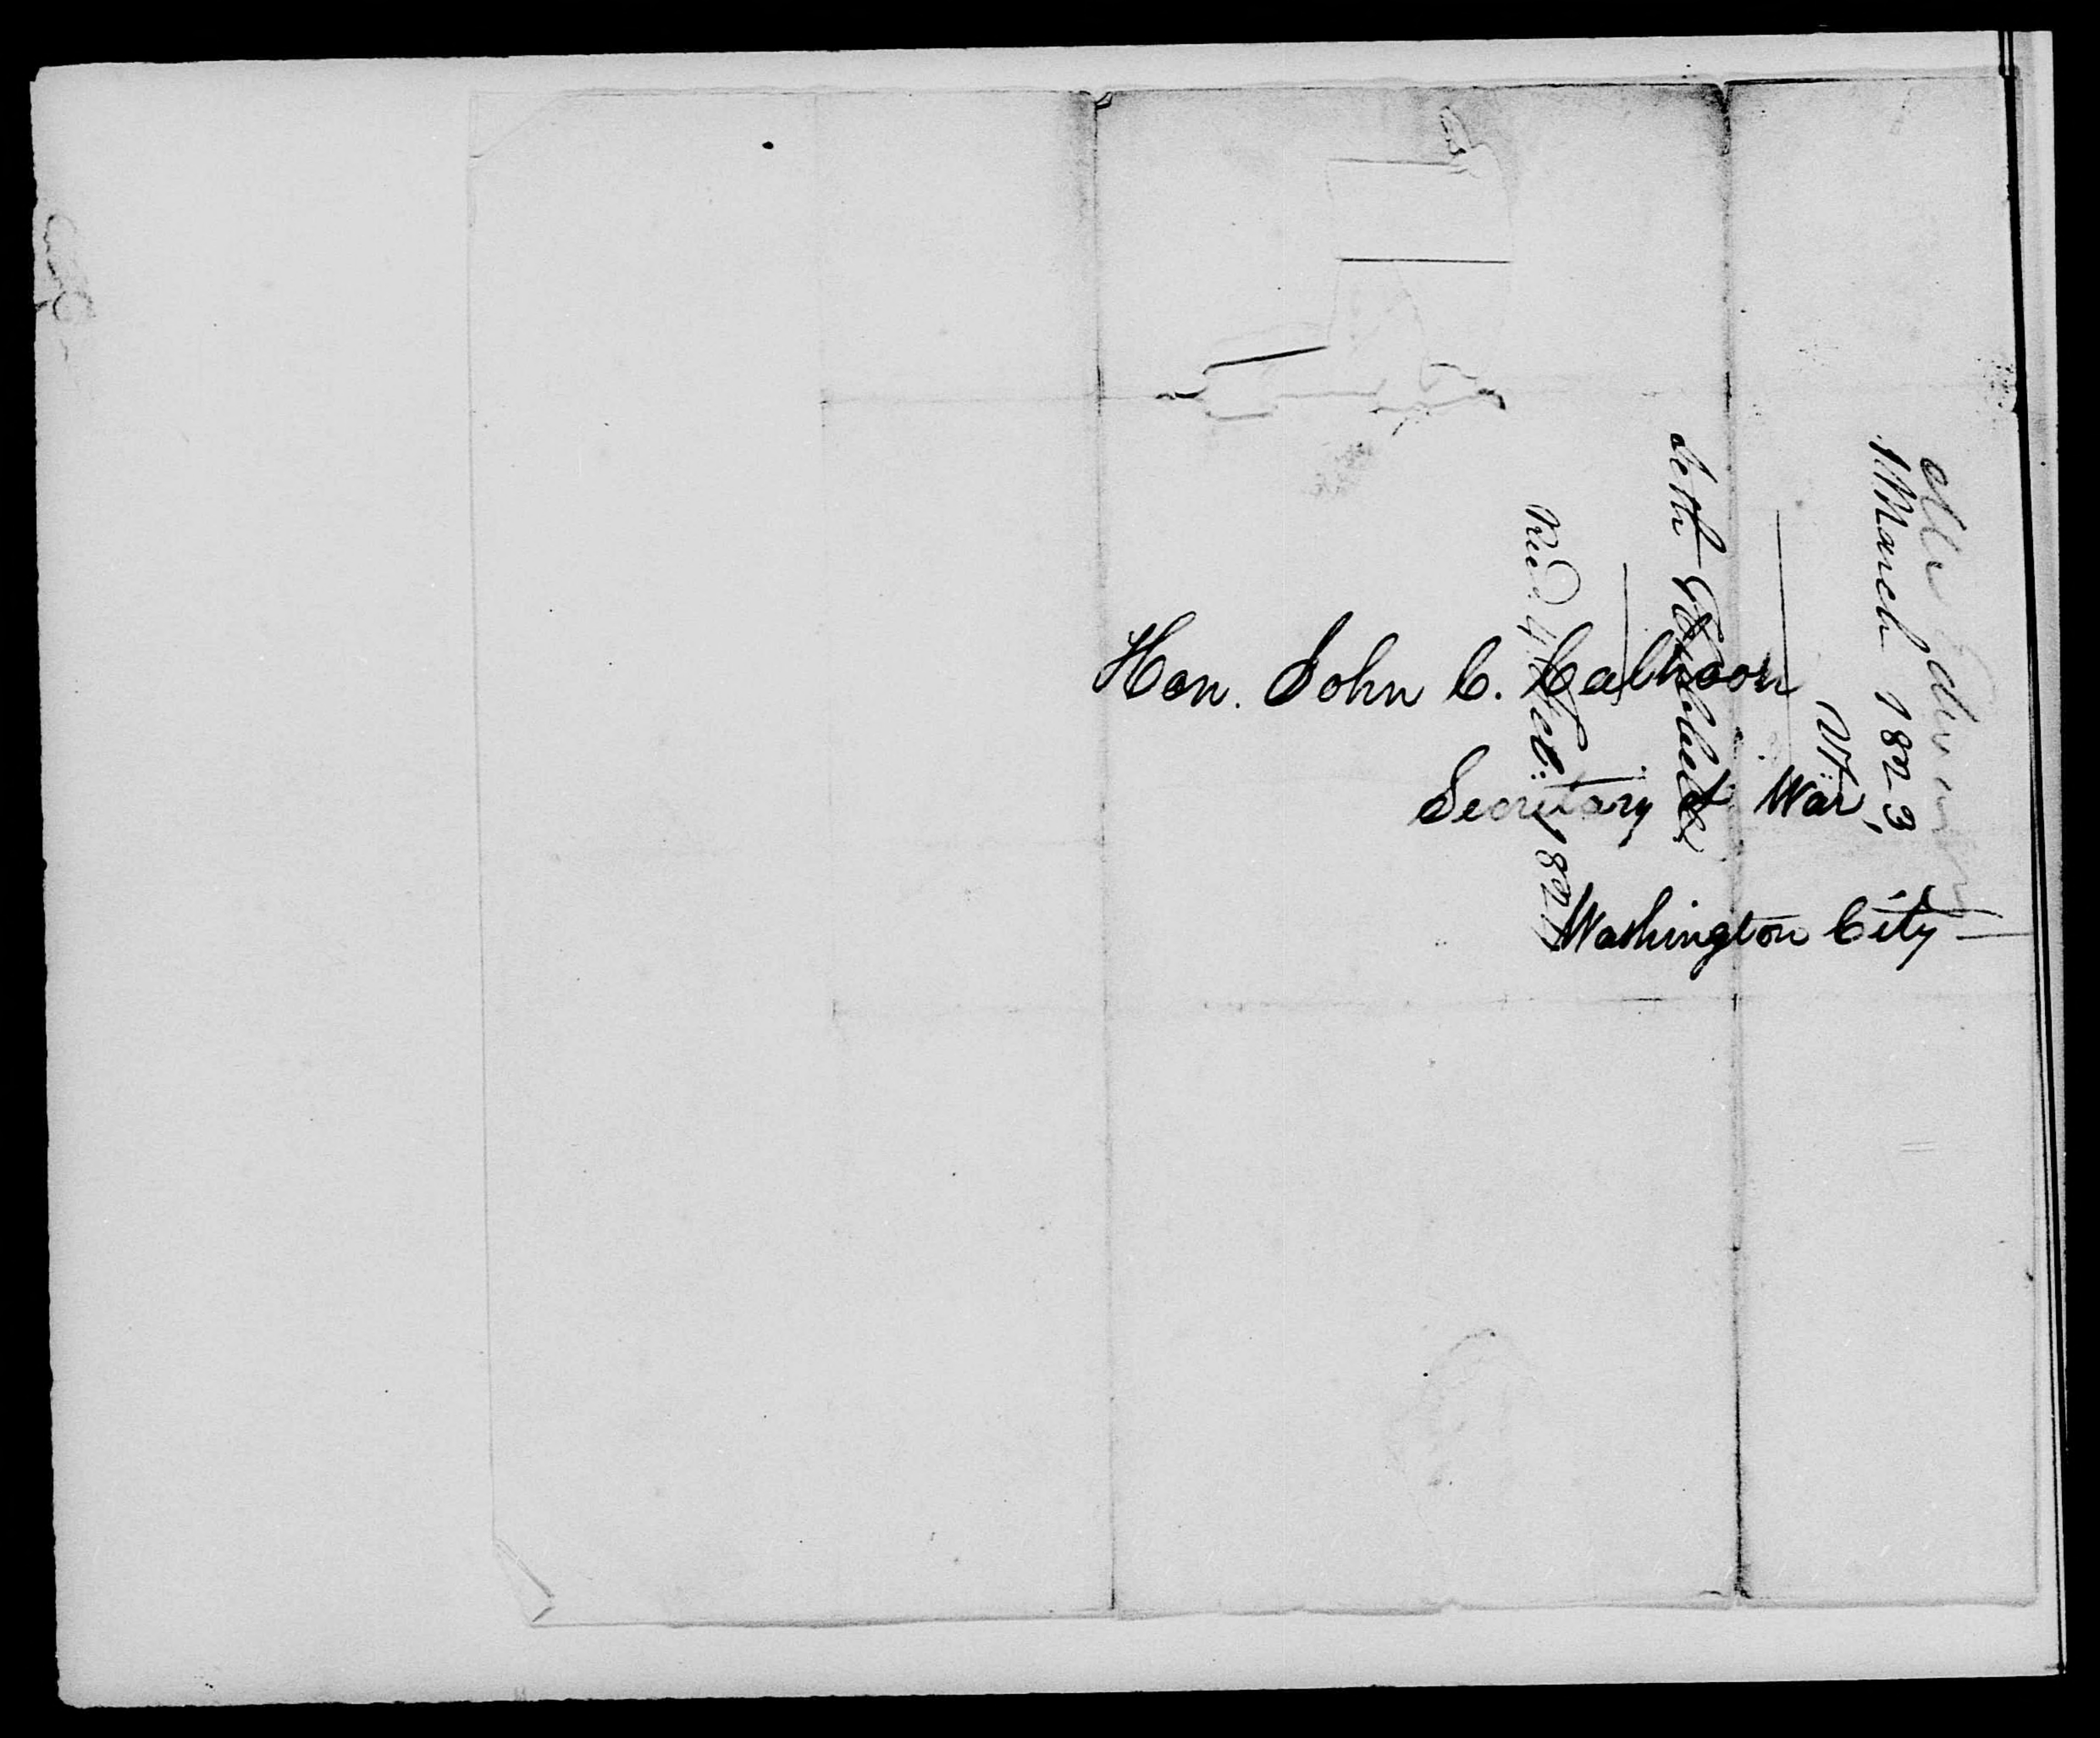Hon. John  C. Calhoon
Secretary of War
Washington City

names: Edwards, Seth Hubbell, John C Calhoon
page: 69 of 114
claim: widow's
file: W. 2115, Seth Hubbell, Conn.